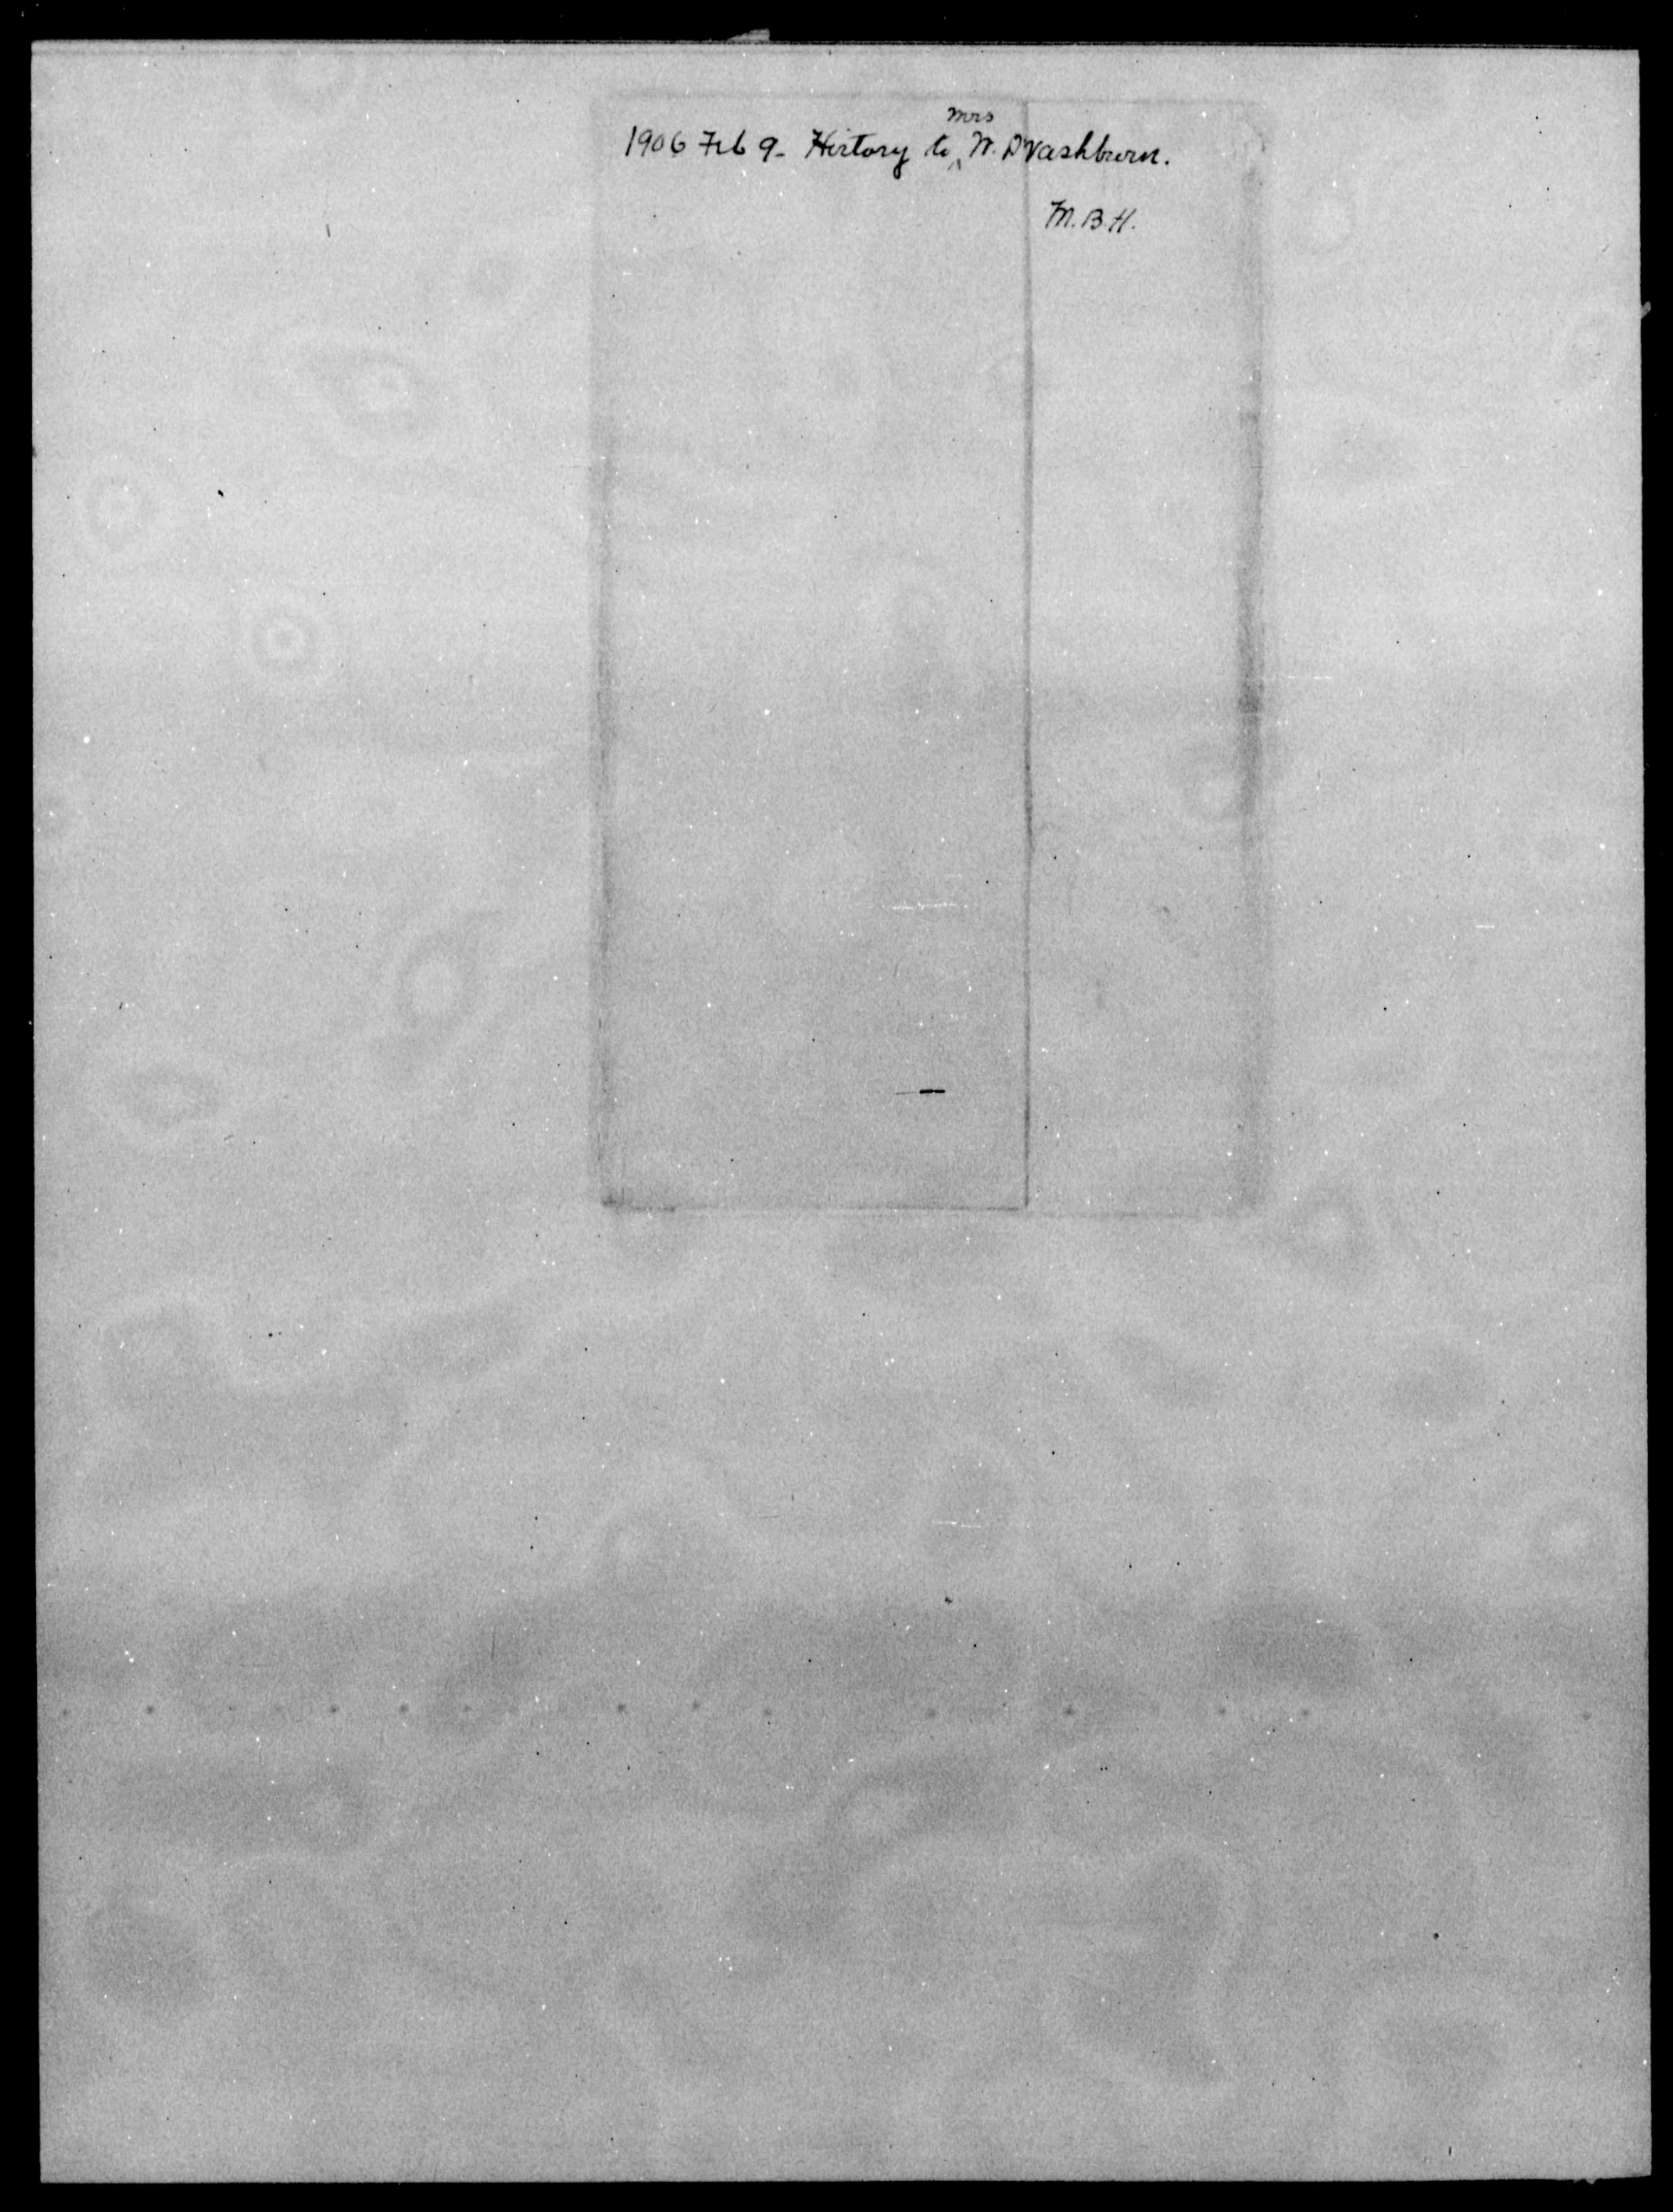1906 Feb 9. History to Mrs W.D Washburn.
M.B.H.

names: W D Vashburn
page: 16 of 20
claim: survivor's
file: S. 43891, for Daniel Ray, Connecticut